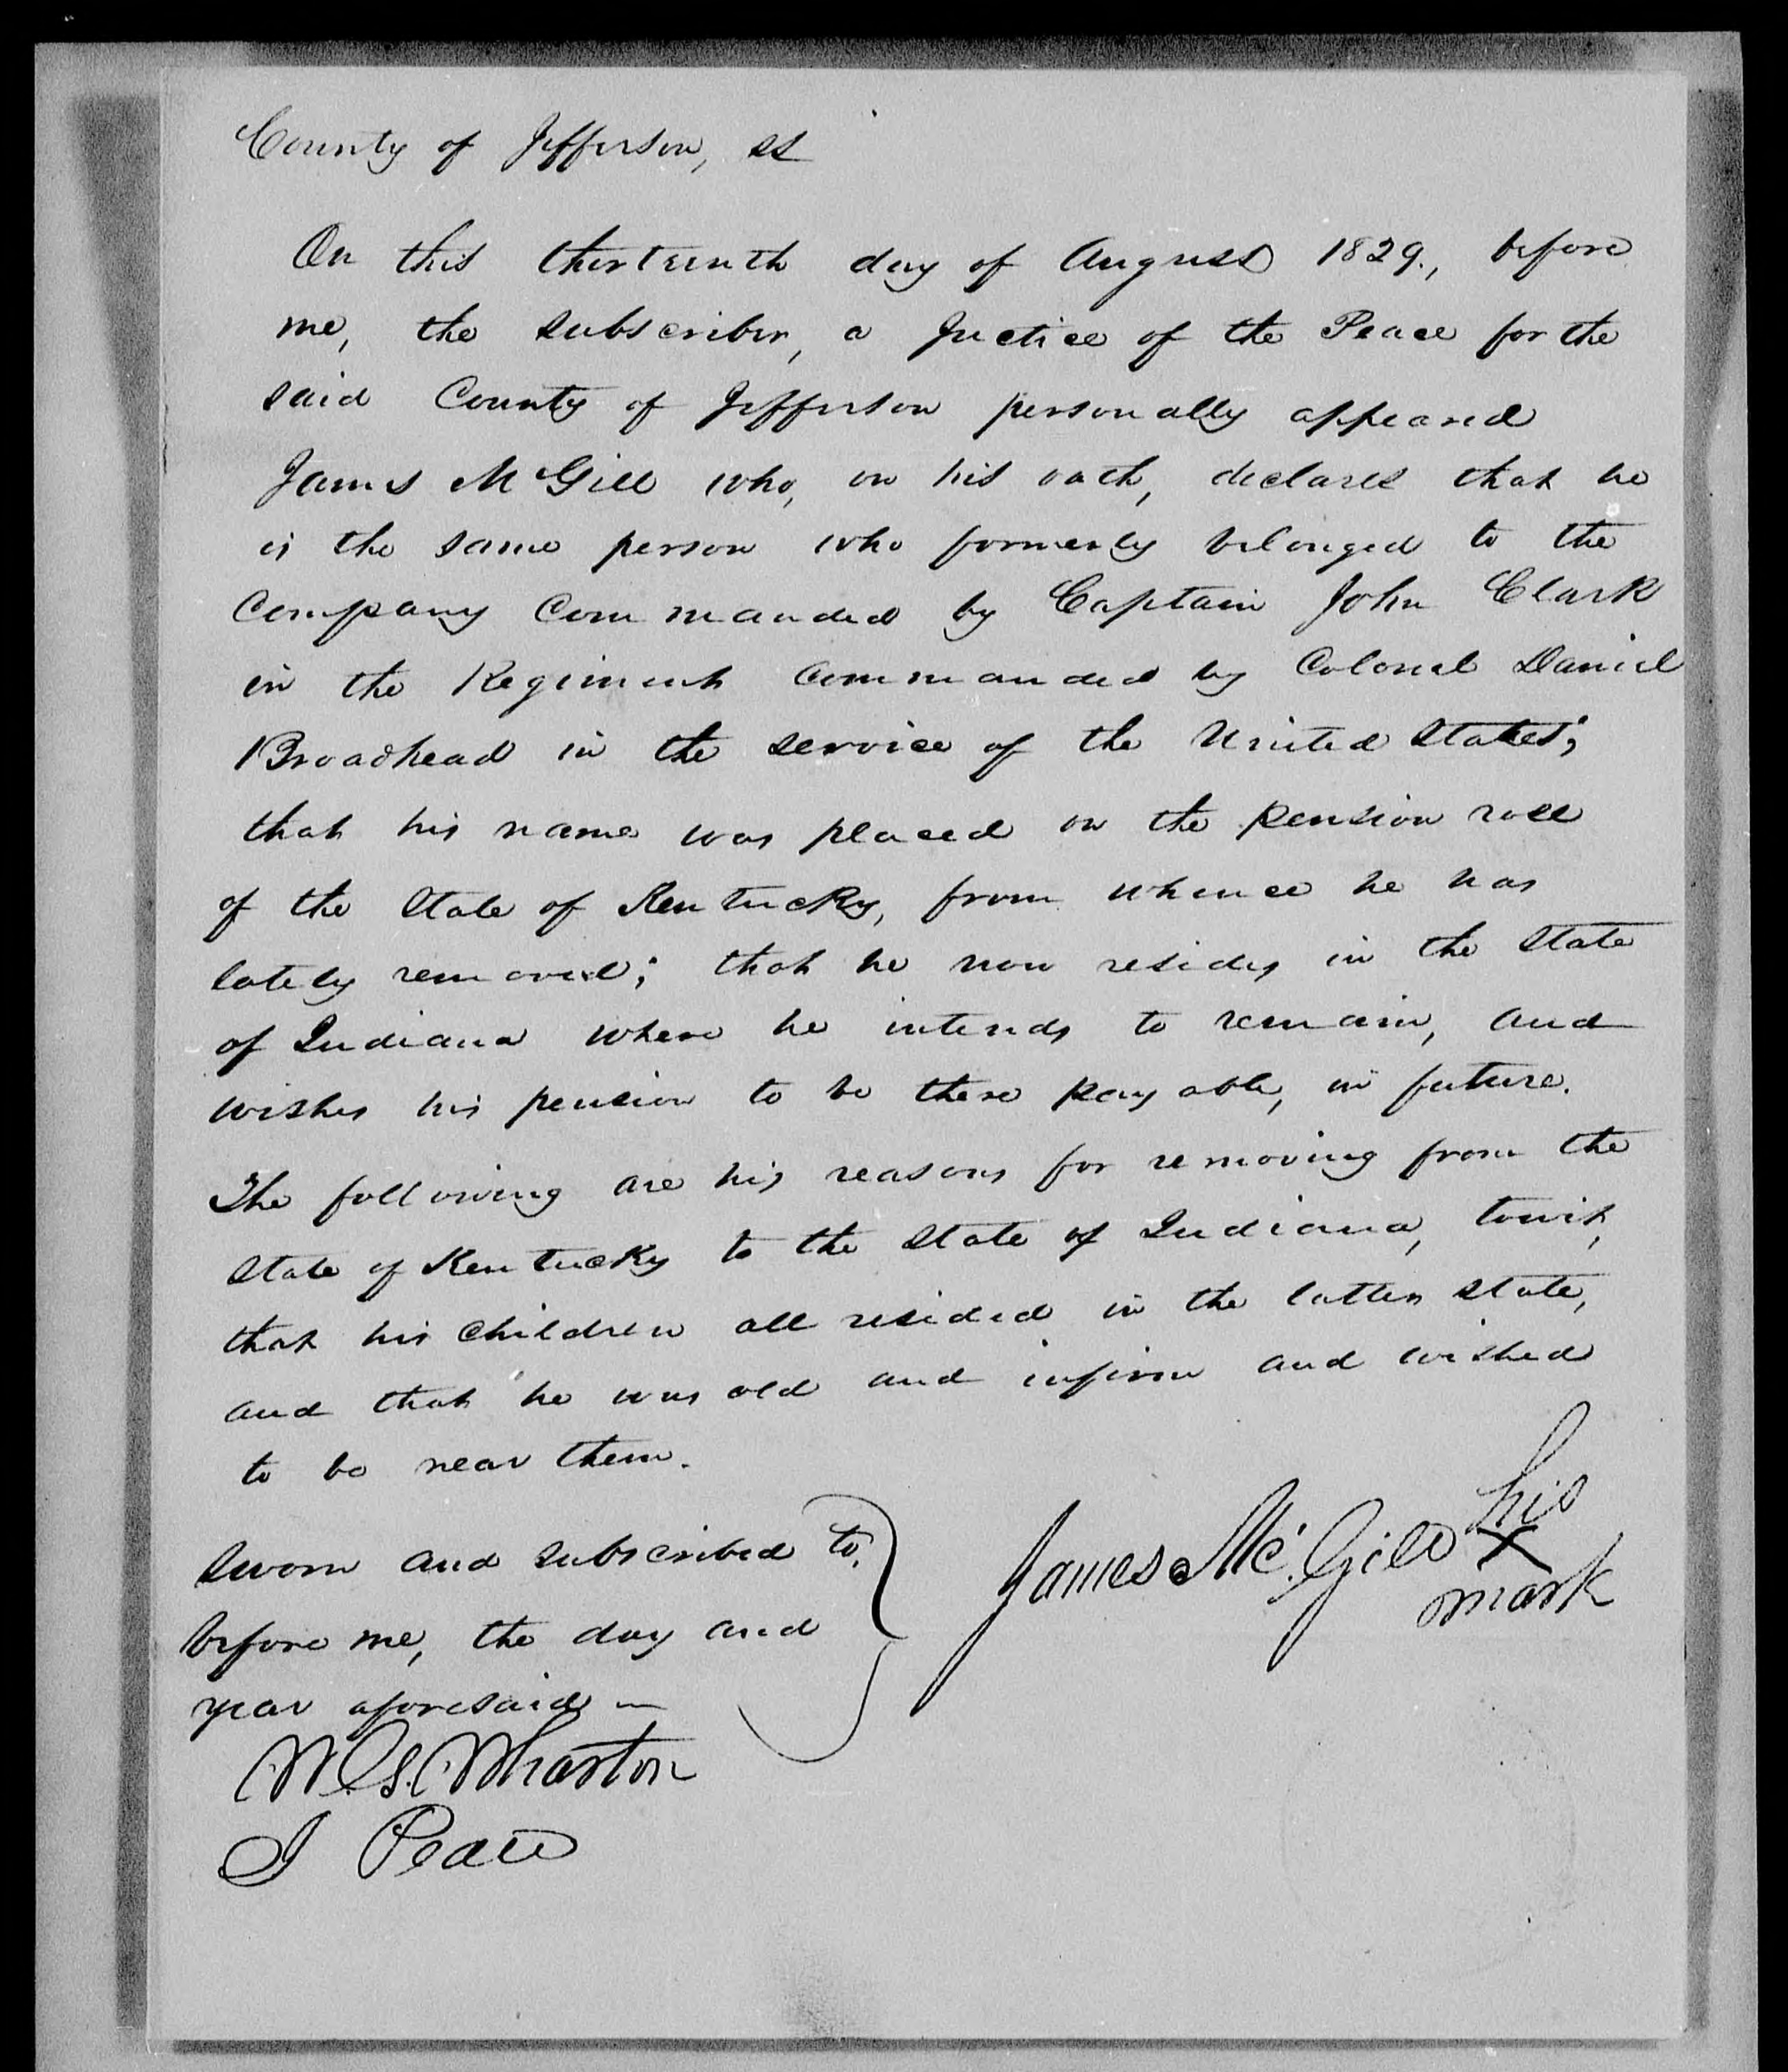Image 61 	(# 4160873_00061)         
Fold3 File #23857228

County of Jefferson, ss
On this thirteenth day of August 1829, before me, the subscriber, a Justice of the Peace for the said County of Jefferson personally appeared James McGill who, on his oath, declared that he is the same person who formerly belonged to the company commanded by Captain John Clark in the Regiment commanded by Colonel Daniel Broadhead [Brodhead] in the service of the United States; that his name was placed on the pension roll of the state of Kentucky, from whence he has lately removed; that he now resides in the state of Indiana where he intends to remain, and wishes his pension to be there payable in the future. The following are his reasons for removing from the state of Kentucky to the state of Indiana, to wit, that his children all resided in the latter state, and that he was old and infirm and wished to be near them.
James McGill [his mark]
Sworn and subscribed to, Before me, the day and year aforesaid.
W. G. Wharton  J. Peace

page: 4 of 71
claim: widow's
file: W. 8428, for James Mc Gill, Pennsylvania